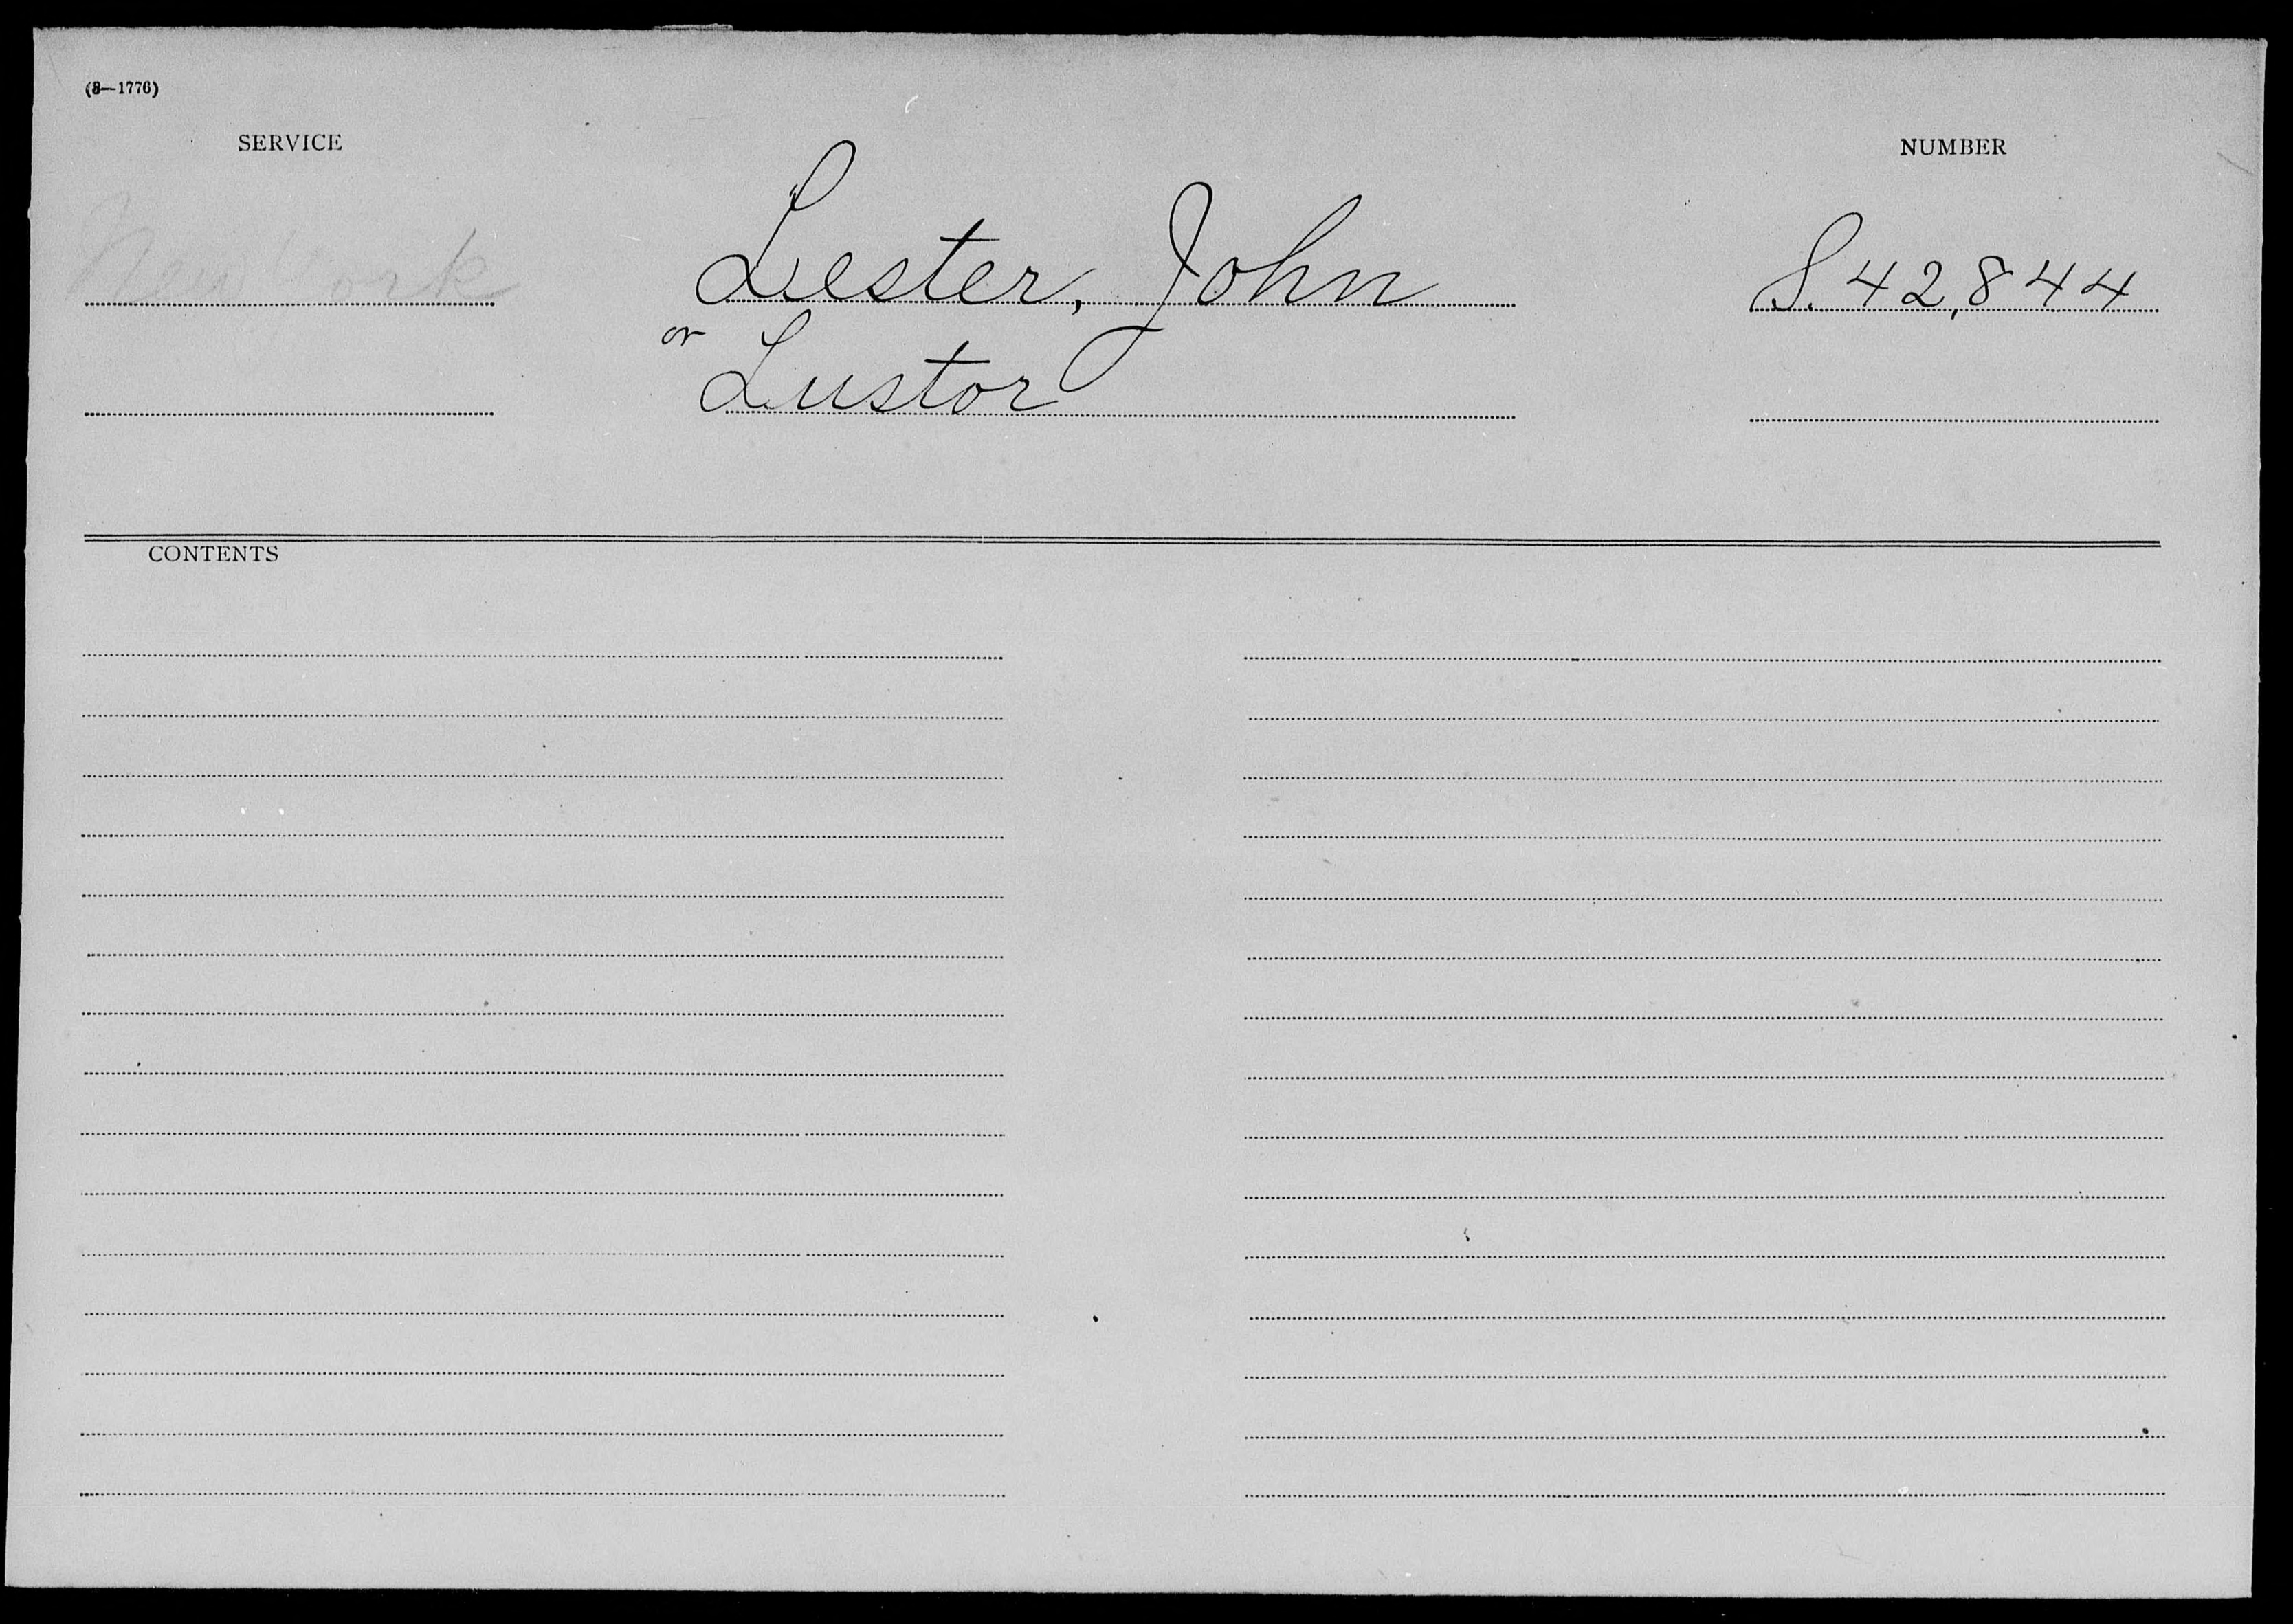98-17760
SERVICE New York
Lester, John
or Lustor

NUMBER S. 42,844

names: John Lustor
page: 1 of 14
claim: survivor's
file: S. 42844, for John Lester, New York